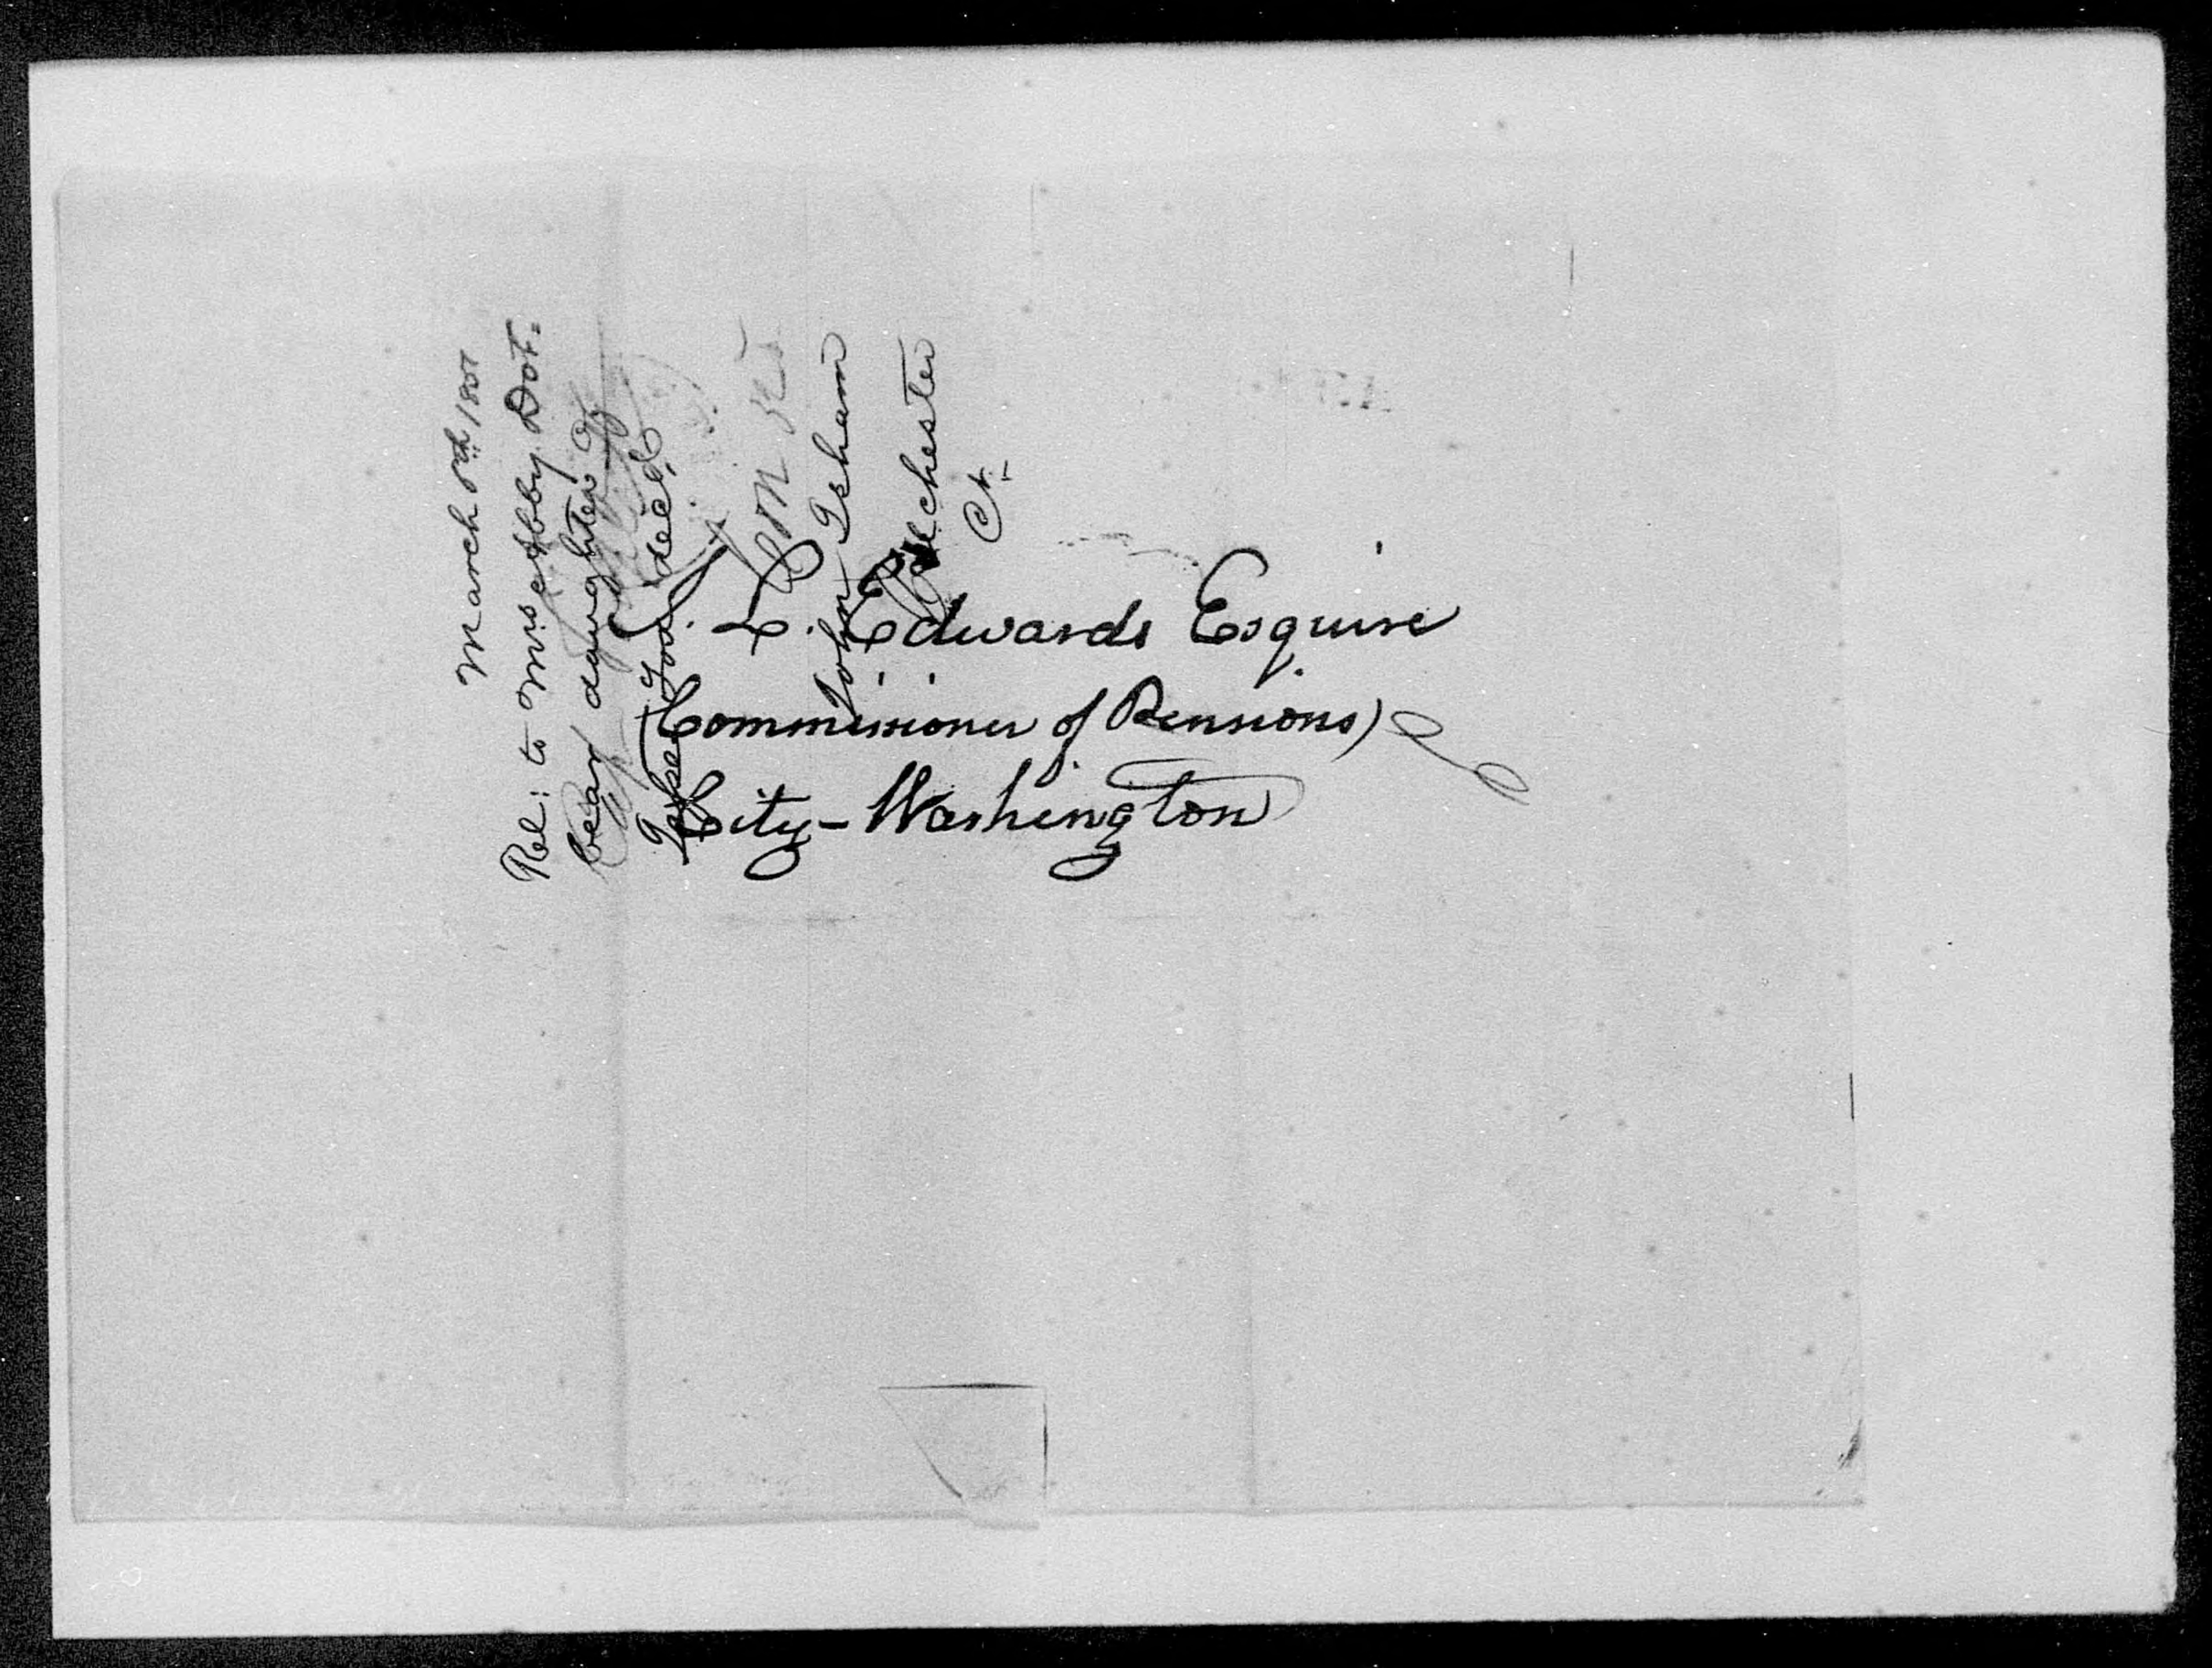March 6th 1857
Rel: Mrs. Abbey Dolbear daughter of Jesse Fox decd.
John Isham Colchester Ct.

J. L. Edwards Esquire
Commissioner of Pensions
City Washington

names: J L Edwards, John Isham, Abby Dolbear, Jesse Fox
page: 22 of 53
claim: rejected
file: R. 3732, Jesse Fox, Conn.